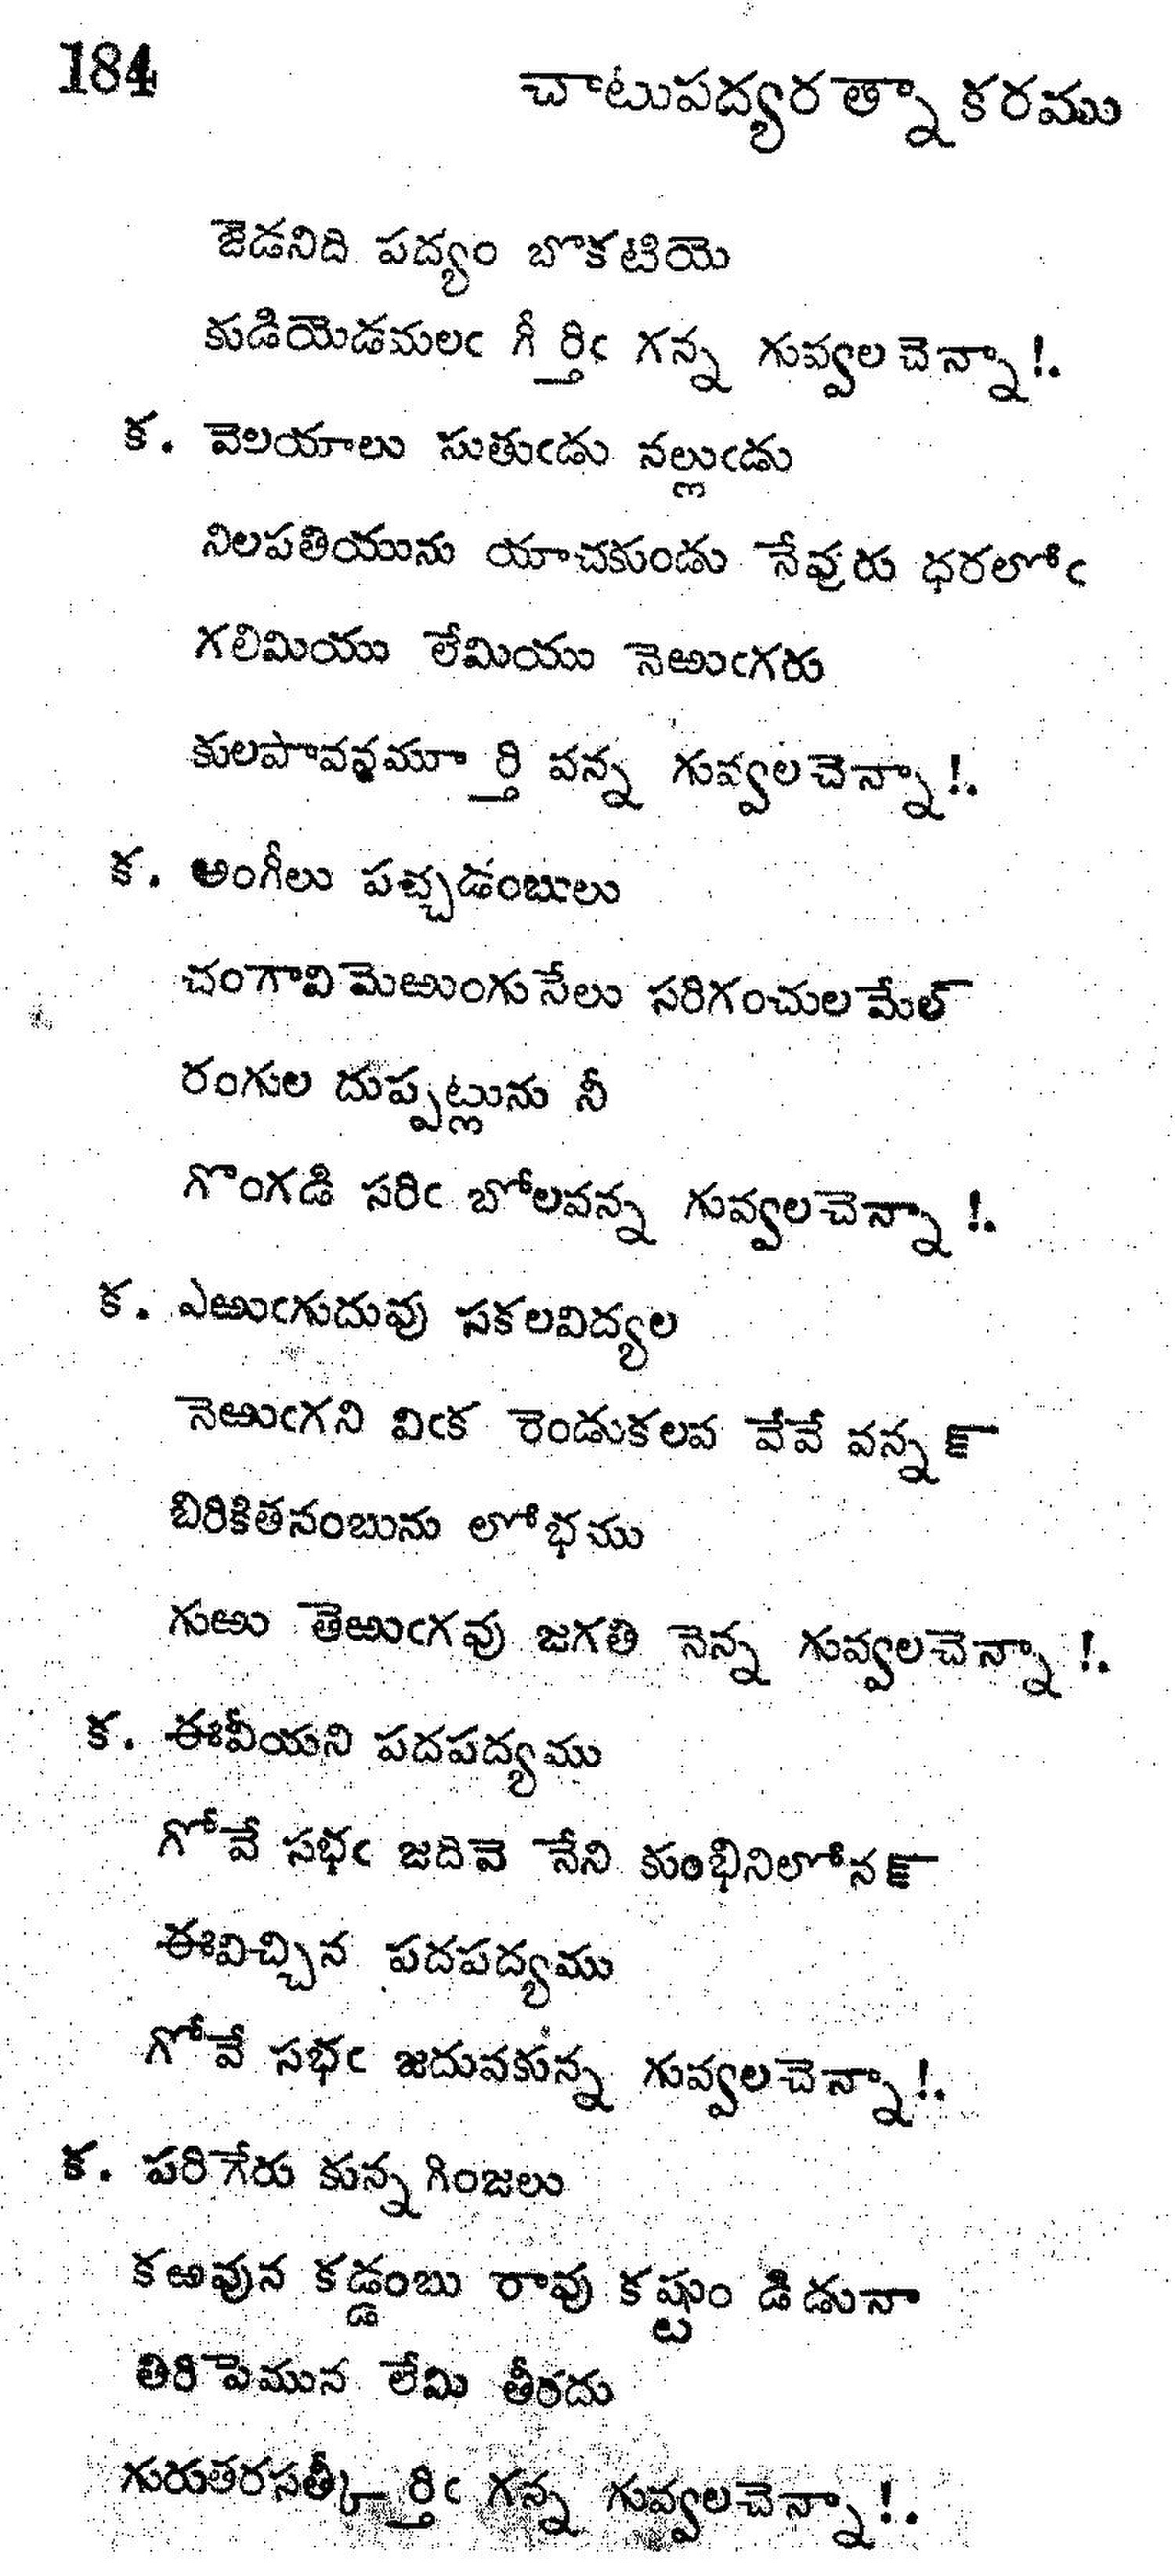జెడనిది పద్యం బొకటియె
 కుడియెడమలఁ గీర్తిఁ గన్న గువ్వలచెన్నా!

క. వెలయాలు సుతుఁడు నల్లుఁడు
 నిలపతియును యాచకుండు నేవురు ధరలోఁ
 గలిమియు లేమియు నెఱుఁగరు
 కులపావనమూర్తి వన్న గువ్వలచెన్నా!

క. అంగీలు పచ్చడంబులు
 చంగావిమెఱుంగుసేలు సరిగంచులమేల్‌
 రంగుల దుప్పట్లును నీ
 గొంగడి సరిఁ బోలవన్న గువ్వలచెన్నా!

క. ఎఱుఁగుదువు సకలవిద్యల
 నెఱుఁగని విఁక రెండుకలవ వేవే వన్నన్
 బిరికితనంబును లోభము
 గుఱు తెఱుఁగవు జగతి నెన్న గువ్వలచెన్నా!

క. ఈవీయని పదపద్యము
 గోవే సభఁ జదివె నేని కుంభినిలోనన్‌
 ఈవిచ్చిన పదపద్యము
 గోవే సభఁ జదువకున్న గువ్వలచెన్నా!

క. పరిగేరుకున్న గింజలు
 కఱవున కడ్డంబు రావు కష్టుం డిడు నా
 తిరపెమున లేమి తీరదు
 గురుతరసత్కీర్తిఁ గన్న గువ్వలచెన్నా!